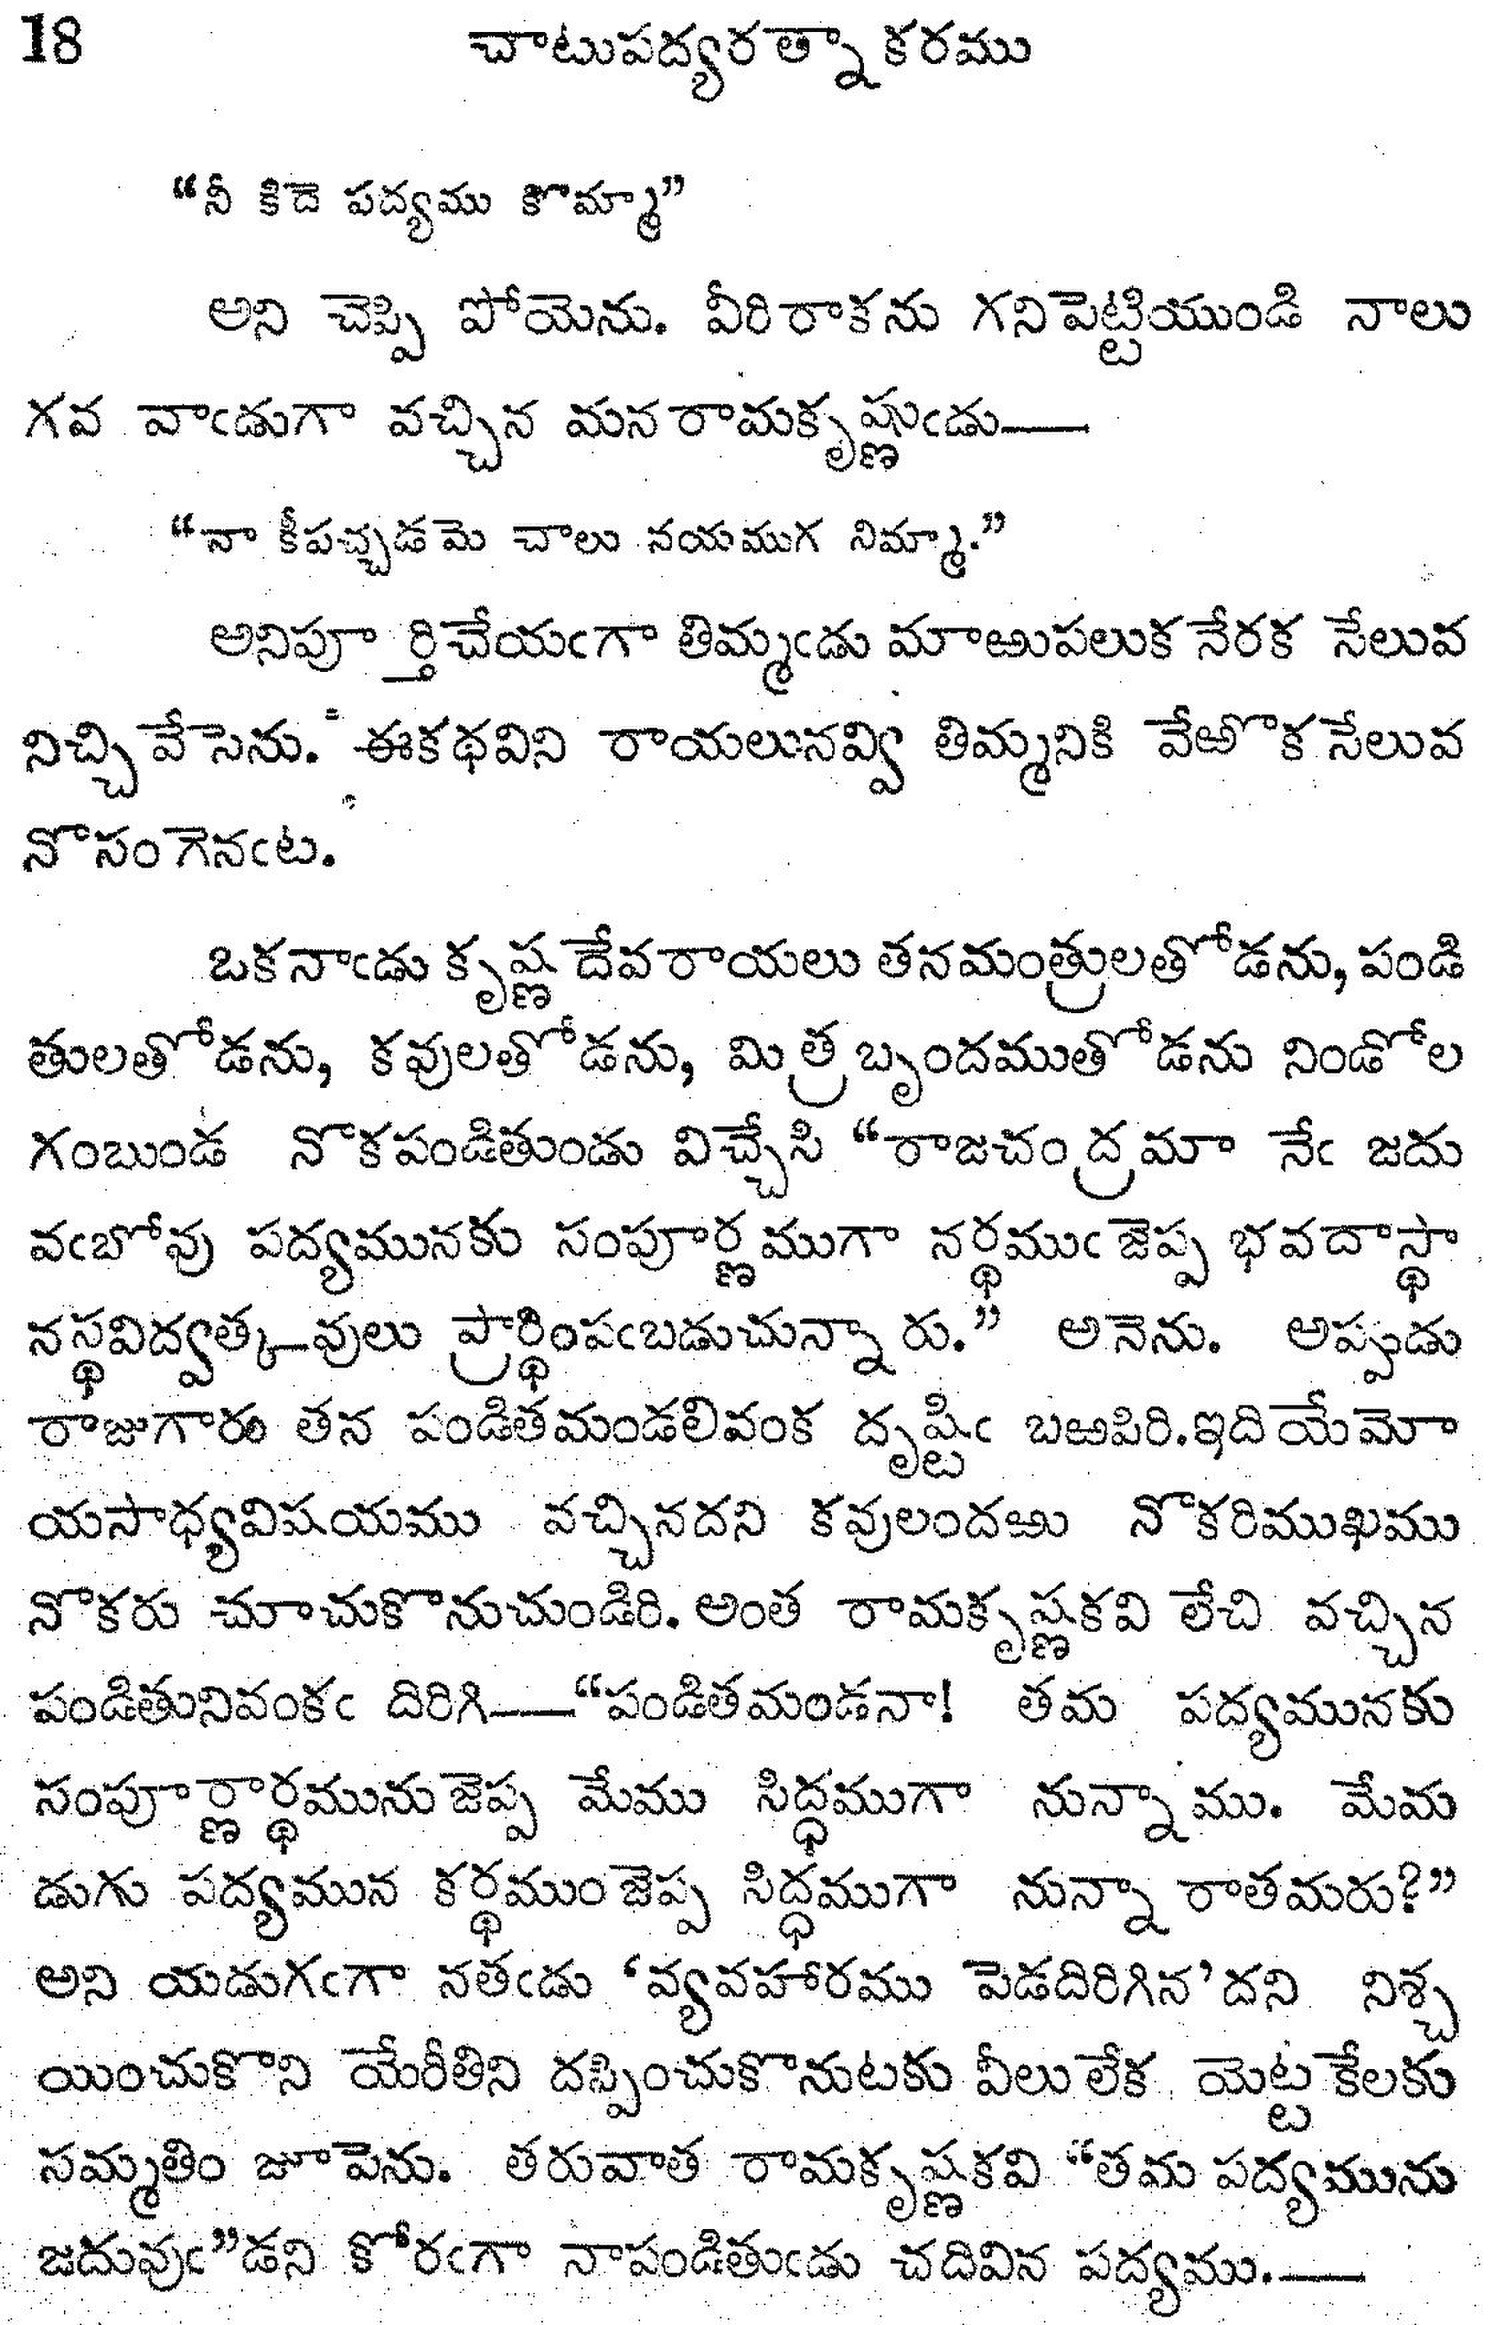“నీ కిదె పద్యము కొమ్మా”

అని చెప్పి పోయెను. వీరిరాకను గనిపెట్టియుండి నాలుగవవాఁడుగా వచ్చిన మనరామకృష్ణుఁడు—

 “నా కీపచ్చడమె చాలు నయముగ నిమ్మా.”

అని పూర్తిచేయఁగా తిమ్మఁడు మాఱుపలుకనేరక సేలువ నిచ్చివేసెను. ఈకథవిని రాయలు నవ్వి తిమ్మనికి వేఱొకసేలువ నొసంగెనఁట.

ఒకనాఁడు కృష్ణదేవరాయలు తనమంత్రులతోడను, పండితులతోడను, కవులతోడను, మిత్రబృందముతోడను నిండోలగంబుండ నొకపండితుండు విచ్చేసి “రాజచంద్రమా నేఁ జదువఁబోవు పద్యమునకు సంపూర్ణముగా నర్థముఁజెప్ప భవదాస్థానస్థవిద్వత్కవులు ప్రార్థింపఁబడుచున్నారు”. అనెను. అప్పుడు రాజుగారు తనపండితమండలివంక దృష్టిఁ బఱపిరి. ఇదియేమో యసాధ్యవిషయము వచ్చినదని కవులందఱు నొకరిముఖము నొకరు చూచుకొనుచుండిరి. అంత రామకృష్ణకవి లేచి వచ్చినపండితునివంకఁ దిరిగి— “పండితమండనా! తమపద్యమునకు సంపూర్ణార్థమును జెప్ప మేము సిద్ధముగా నున్నాము. మేమడుగు పద్యమున కర్థముం జెప్ప సిద్ధముగా నున్నారా తమరు?” యని యడుగఁగా నతఁడు ‘వ్యవహారము పెడదిరిగిన’ దని నిశ్చయించుకొని యేరీతిని దప్పించుకొనుటకు వీలులేక యెట్టకేలకు సమ్మతిం జూపెను. తరువాత రామకృష్ణకవి “తమపద్యమును జదువుఁ” డని కోరఁగా నాపండితుఁడు చదివిన పద్యము—